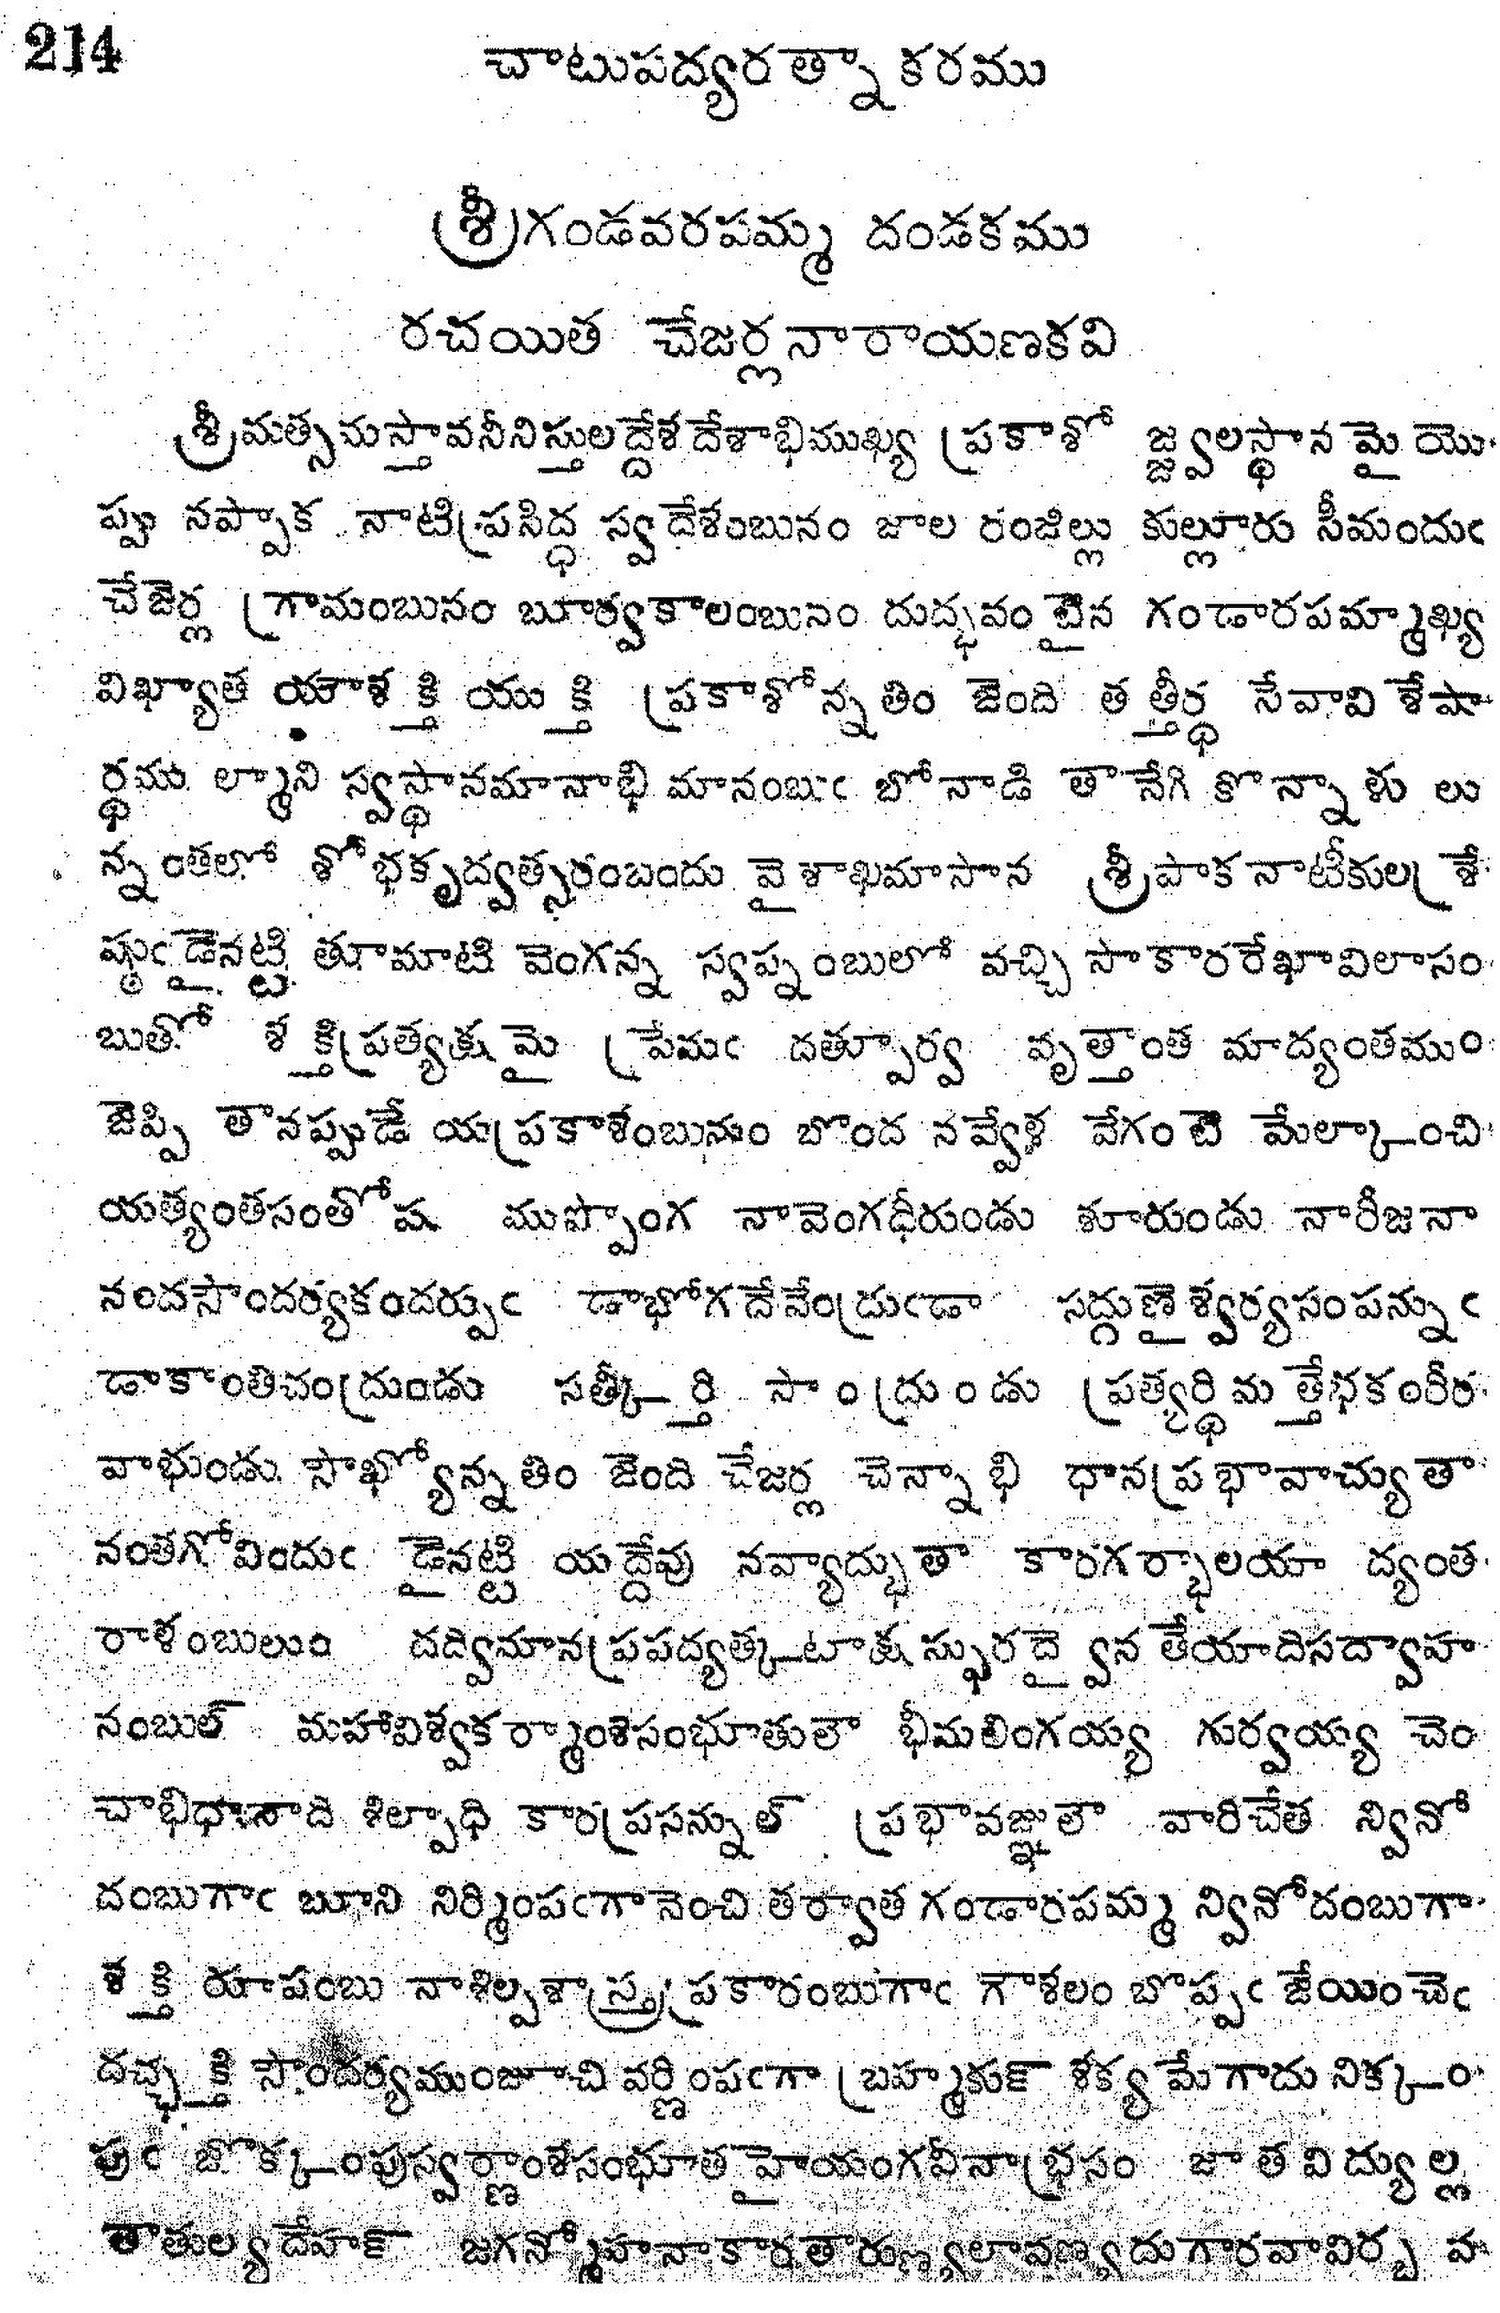శ్రీమత్సమస్తావనీనిస్తులద్దేశదేశాభిముఖ్యప్రకాశోజ్జ్వలస్థానమై యొ
ప్పు నప్పాకనాటిప్రసిద్ధస్వదేశంబునం జాల రంజిల్లు కుల్లూరు సీమందుఁ
చేజెర్ల గ్రామంబునం బూర్వకాలంబునం దుద్భవంబైన గండారపమ్మాఖ్య
విఖ్యాతయౌ శక్తియుక్తిప్రకాశోన్నతిం జెంది తత్తీర్థసేవావిశేషా
ర్థము ల్మాని స్వస్థానమానాభిమానంబుఁ బోనాడి తానేగి కొన్నాళు లు
న్నంతలో శోభకృద్వత్సరంబందు వైశాఖమాసాన శ్రీపాకనాటీకులశ్రే
ష్ఠుఁడైనట్టి తూమాటి వెంగన్న స్వప్నంబులో వచ్చి సాకారరేఖావిలాసం
బుతో శక్తి ప్రత్యక్షమై ప్రేమఁ దత్పూర్వవృత్తాంత మాద్యంతముం
జెప్పి తానప్పుడే యప్రకాశంబునుం బొంద నవ్వేళ వేగంబె మేల్కాంచి
యత్యంతసంతోష ముప్పొంగ నావెంగధీరుండు శూరుండు నారీజనా
నందసౌందర్యకందర్పుఁ డాభోగదేవేంద్రుఁ డాసద్గుణైశ్వర్యసంపన్నుఁ
డాకాంతిచంద్రుండు సత్కీర్తిసాంద్రుండు ప్రత్యర్థిమత్తేభకంఠీర
వాభుండు సౌఖ్యోన్నతిం జెంది చేజెర్ల చెన్నాభిధానప్రభావాచ్యుతా
నంతగోవిందుఁ డైనట్టి యద్దేవు నవ్యాద్భుతాకారగర్భాలయాద్యంత
రాళంబులుం దద్విమానప్రపద్యత్కటాక్షస్ఫురద్వైనతేయాదిసద్వాహ
నంబుల్ మహావిశ్వకర్మాంశసంభూతులౌ భీమలింగయ్య గుర్వయ్య చెం
చాభిధానాది శిల్పాధికారప్రసన్నుల్ ప్రభావజ్ఞులౌ వారిచేత న్వినో
దంబుగాఁ బూని నిర్మింపఁగా నెంచి తర్వాత గండారపమ్మ న్వినోదంబుగా
శక్తిరూపంబు నాశిల్పశాస్త్రప్రకారంబుగాఁ గౌశలం బొప్పఁ జేయించెఁ
దచ్ఛక్తి సౌందర్యముం జూచి వర్ణింపఁగా బ్రహ్మకున్ శక్యమే గాదు నిక్కం
పుఁ జొక్కంపు స్వర్ణాశసంభుతహైయంగవీనాభ్రసంజాతవిద్యుల్ల
తాతుల్యదేహన్ జగన్మోహనాకారతారుణ్యలావణ్యదుగ్ధార్ణవావిర్భహృ